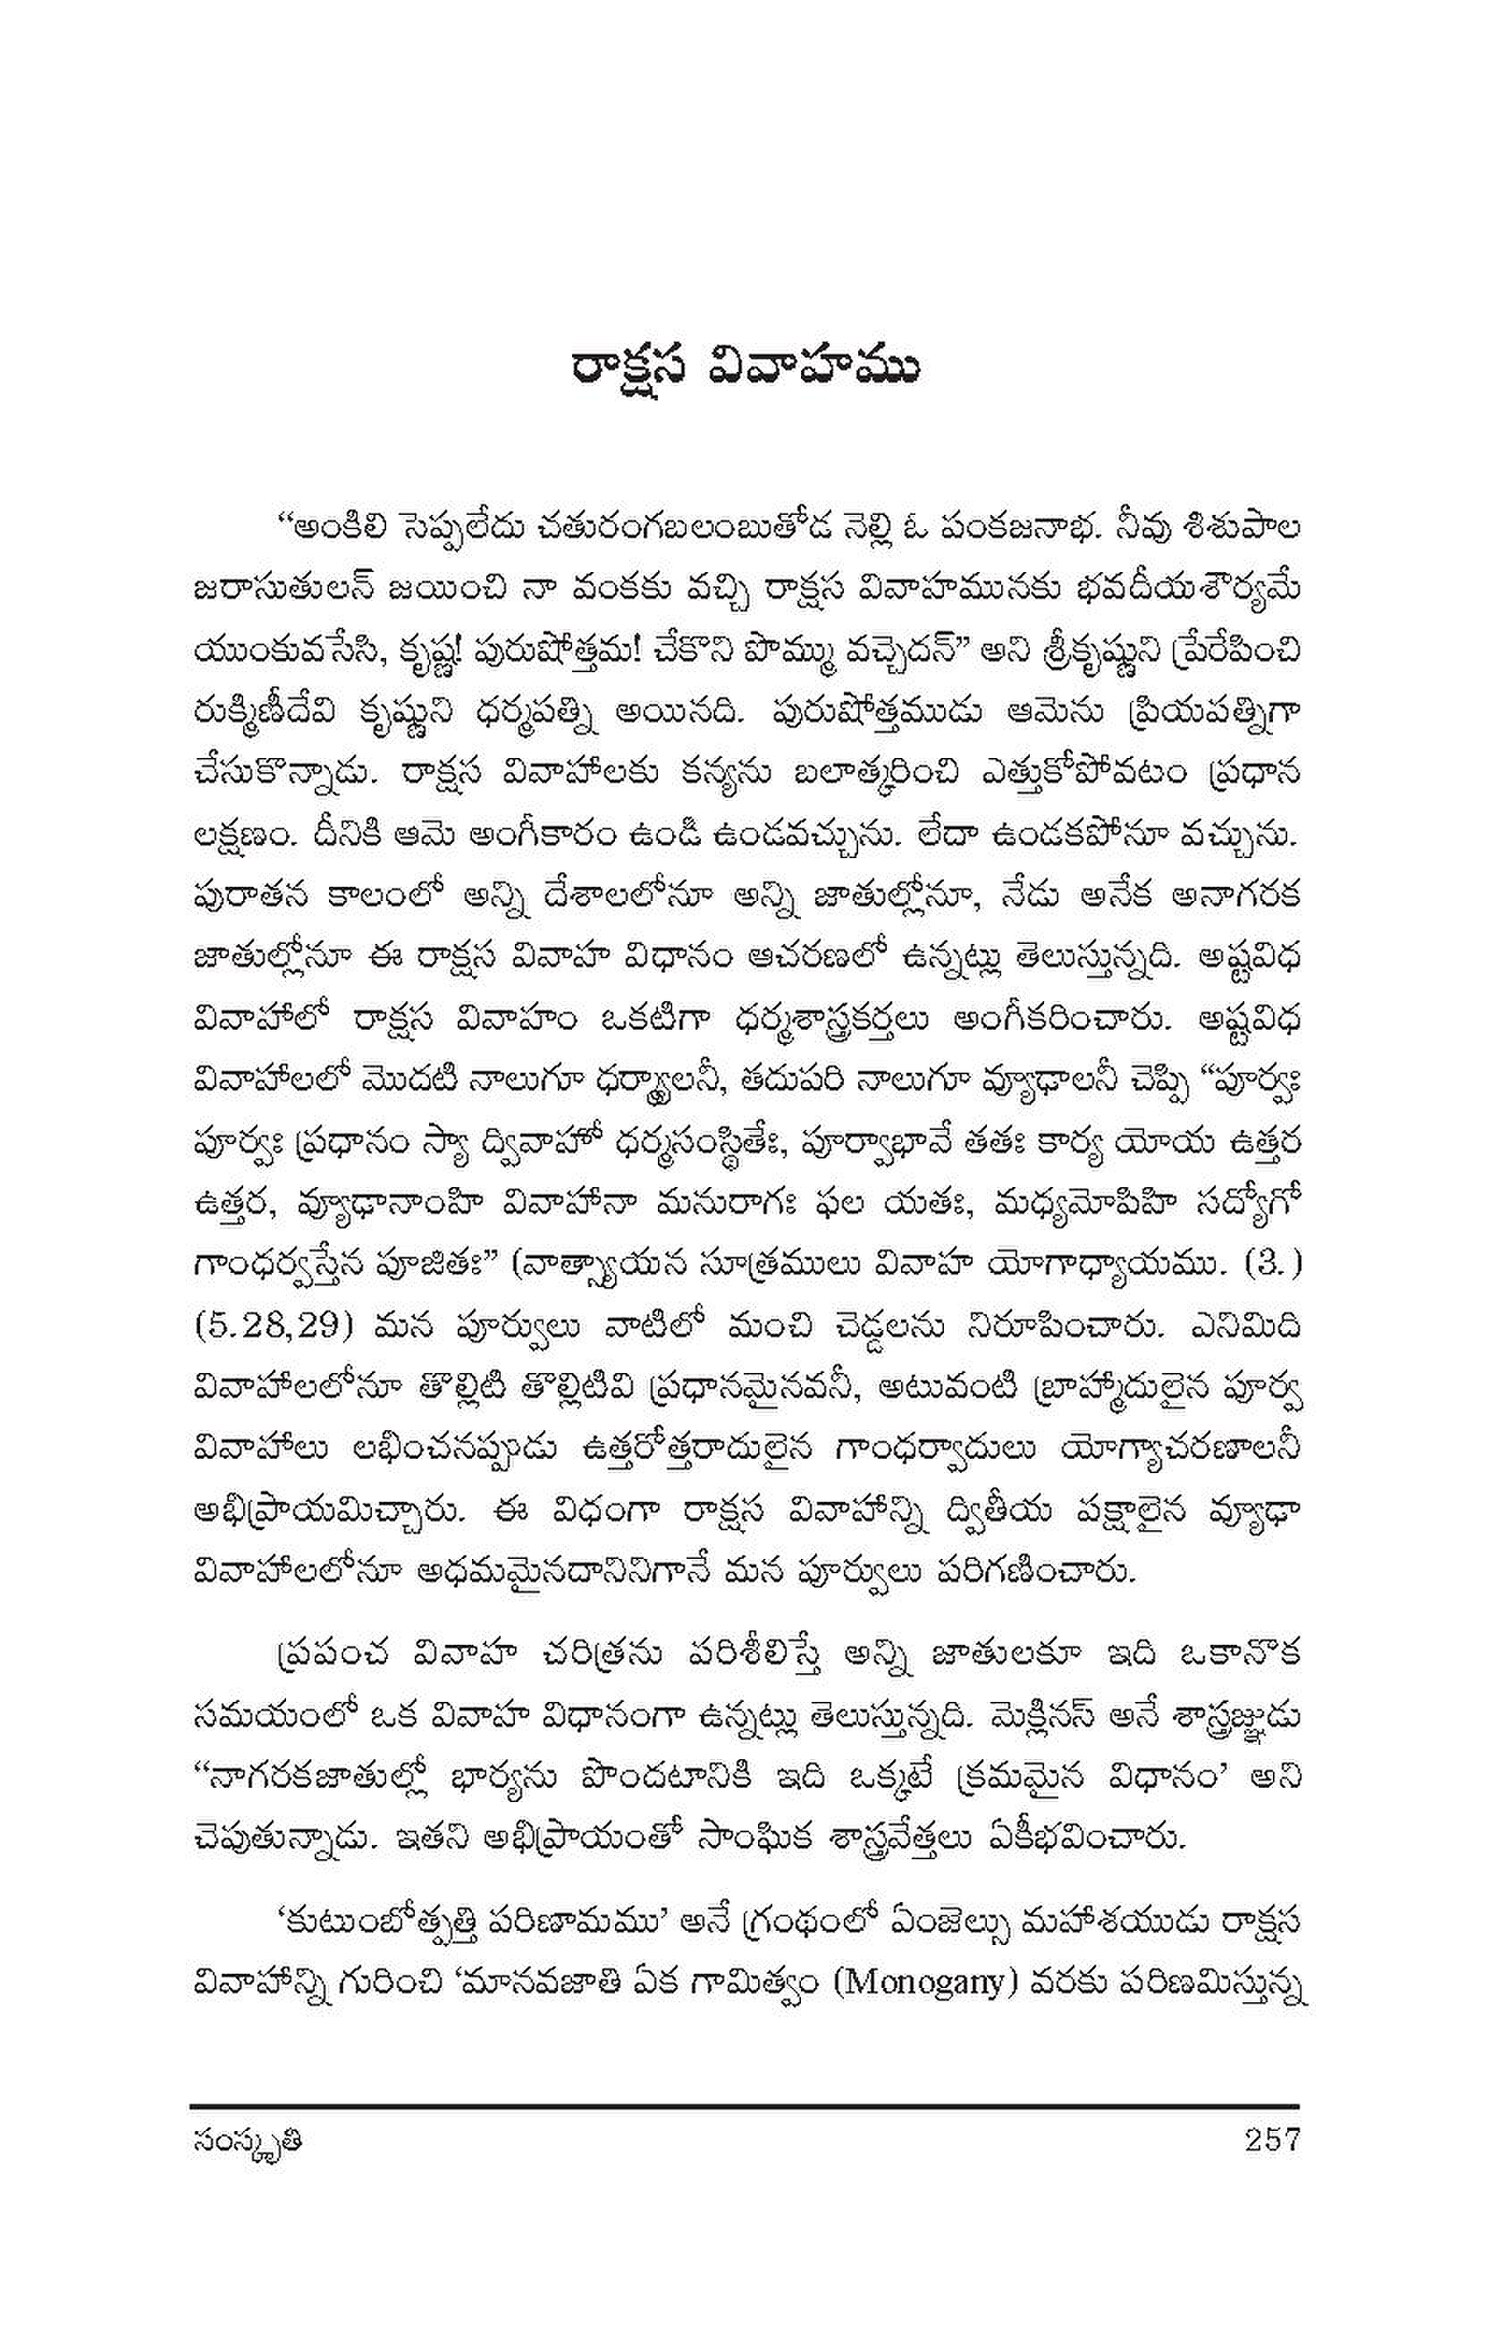“అంకిలి సెప్పలేదు చతురంగబలంబుతోడ నెల్లి ఓ పంకజనాభ. నీవు శిశుపాల
జరాసుతులన్ జయించి నా వంకకు వచ్చి రాక్షస వివాహమునకు భవదీయశౌర్యమే
యుంకువసేసి, కృష్ణ! పురుషోత్తమ! చేకొని పొమ్ము వచ్చెదన్" అని శ్రీకృష్ణుని ప్రేరేపించి
రుక్మిణీదేవి కృష్ణుని ధర్మపత్ని అయినది. పురుషోత్తముడు ఆమెను ప్రియపత్నిగా
చేసుకొన్నాడు. రాక్షస వివాహాలకు కన్యను బలాత్కరించి ఎత్తుకోపోవటం ప్రధాన
లక్షణం. దీనికి ఆమె అంగీకారం ఉండి ఉండవచ్చును. లేదా ఉండకపోనూ వచ్చును.
పురాతన కాలంలో అన్ని దేశాలలోనూ అన్ని జాతుల్లోనూ, నేడు అనేక అనాగరక
జాతుల్లోనూ ఈ రాక్షస వివాహ విధానం ఆచరణలో ఉన్నట్లు తెలుస్తున్నది. అష్టవిధ
వివాహాలలో రాక్షస వివాహం ఒకటిగా ధర్మశాస్త్రకర్తలు అంగీకరించారు. అష్టవిధ
వివాహాలలో మొదటి నాలుగూ ధర్మ్యాలనీ, తదుపరి నాలుగూ వ్యూఢాలనీ చెప్పి "పూర్వః
పూర్వః ప్రధానం స్యా ద్వివాహో ధర్మసంస్థితేః, పూర్వాభావే తతః కార్య యోయ ఉత్తర
ఉత్తర, వ్యూఢానాంహి వివాహానా మనురాగః ఫల యతః, మధ్యమోపిహి సద్యోగో
గాంధర్వస్తేన పూజితః" (వాత్స్యాయన సూత్రములు వివాహ యోగాధ్యాయము. (3.)
(5.28,29) మన పూర్వులు వాటిలో మంచి చెడ్డలను నిరూపించారు. ఎనిమిది
వివాహాలలోనూ తొల్లిటి తొల్లిటివి ప్రధానమైనవనీ, అటువంటి బ్రాహ్మాదులైన పూర్వ
వివాహాలు లభించనప్పుడు ఉత్తరోత్తరాదులైన గాంధర్వాదులు యోగ్యాచరణాలనీ
అభిప్రాయమిచ్చారు. ఈ విధంగా రాక్షస వివాహాన్ని ద్వితీయ పక్షాలైన వ్యూఢా
వివాహాలలోనూ అధమమైనదానినిగానే మన పూర్వులు పరిగణించారు.

ప్రపంచ వివాహ చరిత్రను పరిశీలిస్తే అన్ని జాతులకూ ఇది ఒకానొక
సమయంలో ఒక వివాహ విధానంగా ఉన్నట్లు తెలుస్తున్నది. మెక్లినస్ అనే శాస్త్రజ్ఞుడు
“నాగరకజాతుల్లో భార్యను పొందటానికి ఇది ఒక్కటే క్రమమైన విధానం' అని
చెపుతున్నాడు. ఇతని అభిప్రాయంతో సాంఘిక శాస్త్రవేత్తలు ఏకీభవించారు.

'కుటుంబోత్పత్తి పరిణామము' అనే గ్రంథంలో ఏంజెల్సు మహాశయుడు రాక్షస
వివాహాన్ని గురించి 'మానవజాతి ఏక గామిత్వం (Monogany) వరకు పరిణమిస్తున్న